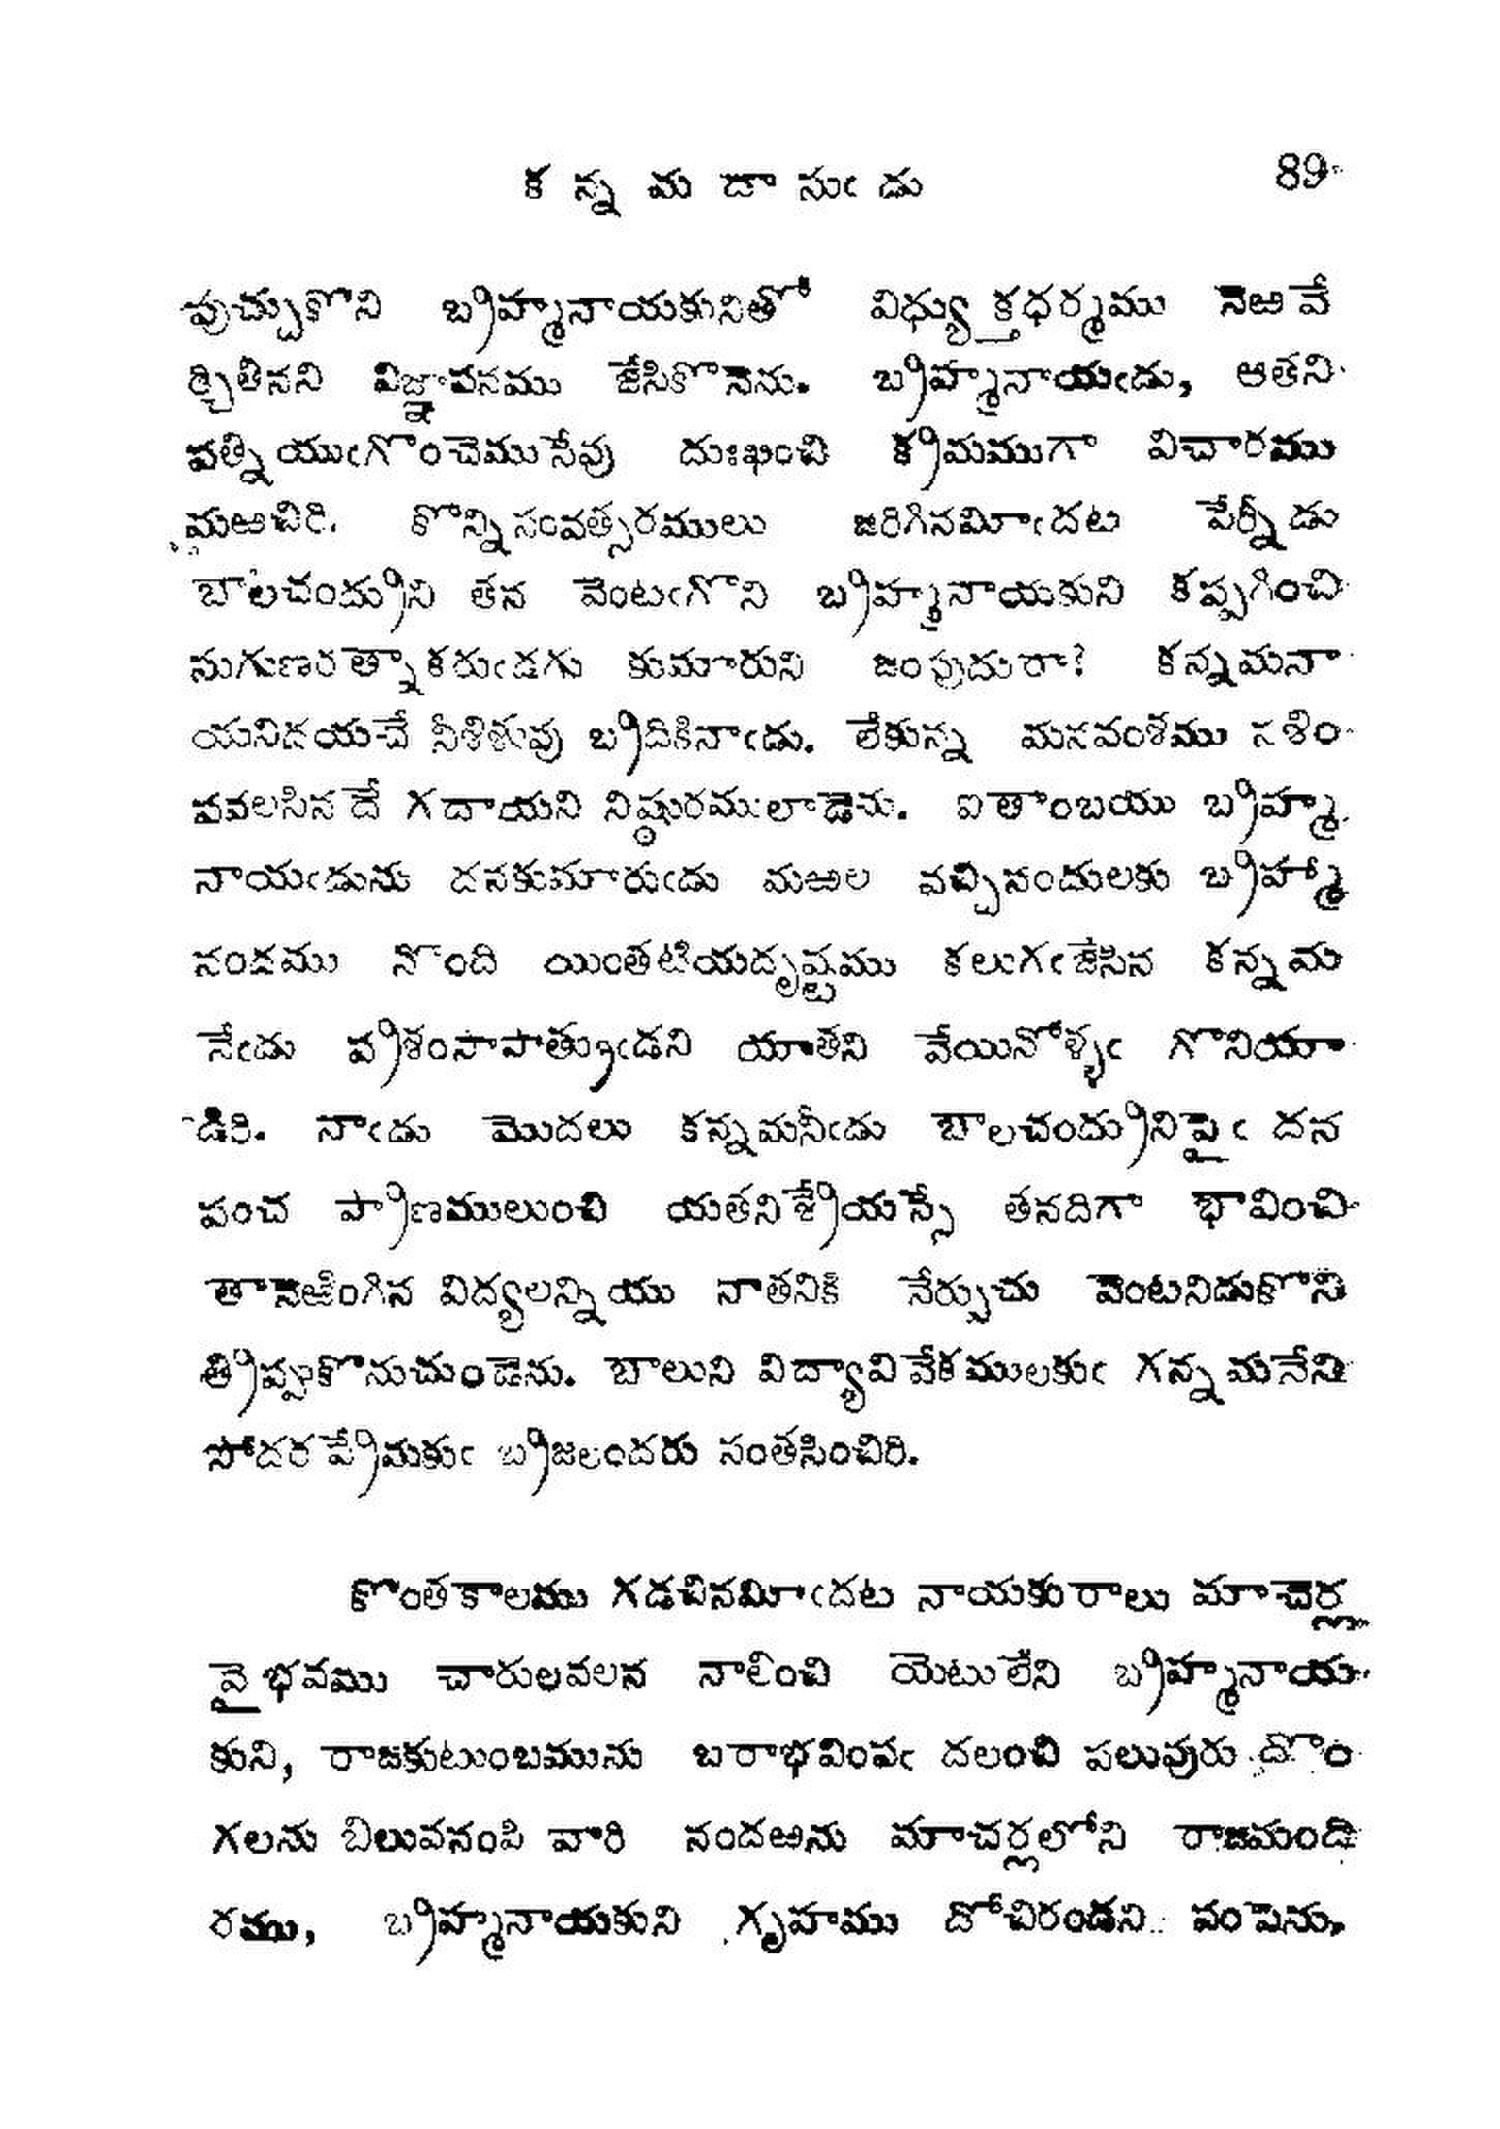పుచ్చుకొని బ్రహ్మనాయకునితో విధ్యుక్తధర్మము నెఱవేర్చితినని విజ్ఞాపనము జేసికొనెను. బ్రహ్మనాయడు, ఆతని పత్నియుగొంచెముసేపు దు:ఖించి క్రమముగా విచారము మఱచిరి. కొన్నిసంవత్సరములు జరిగినమీదట పేర్నీడు బాలచంద్రుని తన వెంటగొని బ్రహ్మనాయకుని కప్పగించి సుగుణరత్నాకరుడగు కుమారుని జంపుదురా? కన్నమనాయనిదయచే నీశిశువు బ్రదికినాడు. లేకున్న మనవంశము నశింపవలసినదే గదాయని నిష్ఠురములాడెను. ఐతాంబయు బ్రహ్మనాయడును దనకుమారుడు మఱల వచ్చినందులకు బ్రహ్మానందము నొంది యింతటియదృష్టము కలుగజేసిన కన్నమ నేడు ప్రశంసాపాత్రుడని యాతని వేయినోళ్ళ గొనియాడిరి. నాడు మొదలు కన్నమనీడు బాలచంద్రునిపై దన పంచ ప్రాణములుంచి యతనిశ్రేయస్సే తనదిగా భావించి తానెఱింగిన విద్యలన్నియు నాతనికి నేర్పుచు వెంటనిడుకొని త్రిప్పుకొనుచుండెను. బాలుని విద్యావివేకములకు గన్నమనేని సోదరప్రేమకు బ్రజలందరు. సంతసించిరి.

కొంతకాలము గడచినమీదట నాయకురాలు మాచెర్ల వైభవము చారులవలన నాలించి యెటులేని బ్రహ్మనాయకుని, రాజకుటుంబమును బరాభవింప దలంచి పలువురు దొంగలను బిలువనంపి వారి నందఱను మాచర్లలోని రాజమందిరము, బ్రహ్మనాయకుని గృహము దోచిరండని పంపెను.